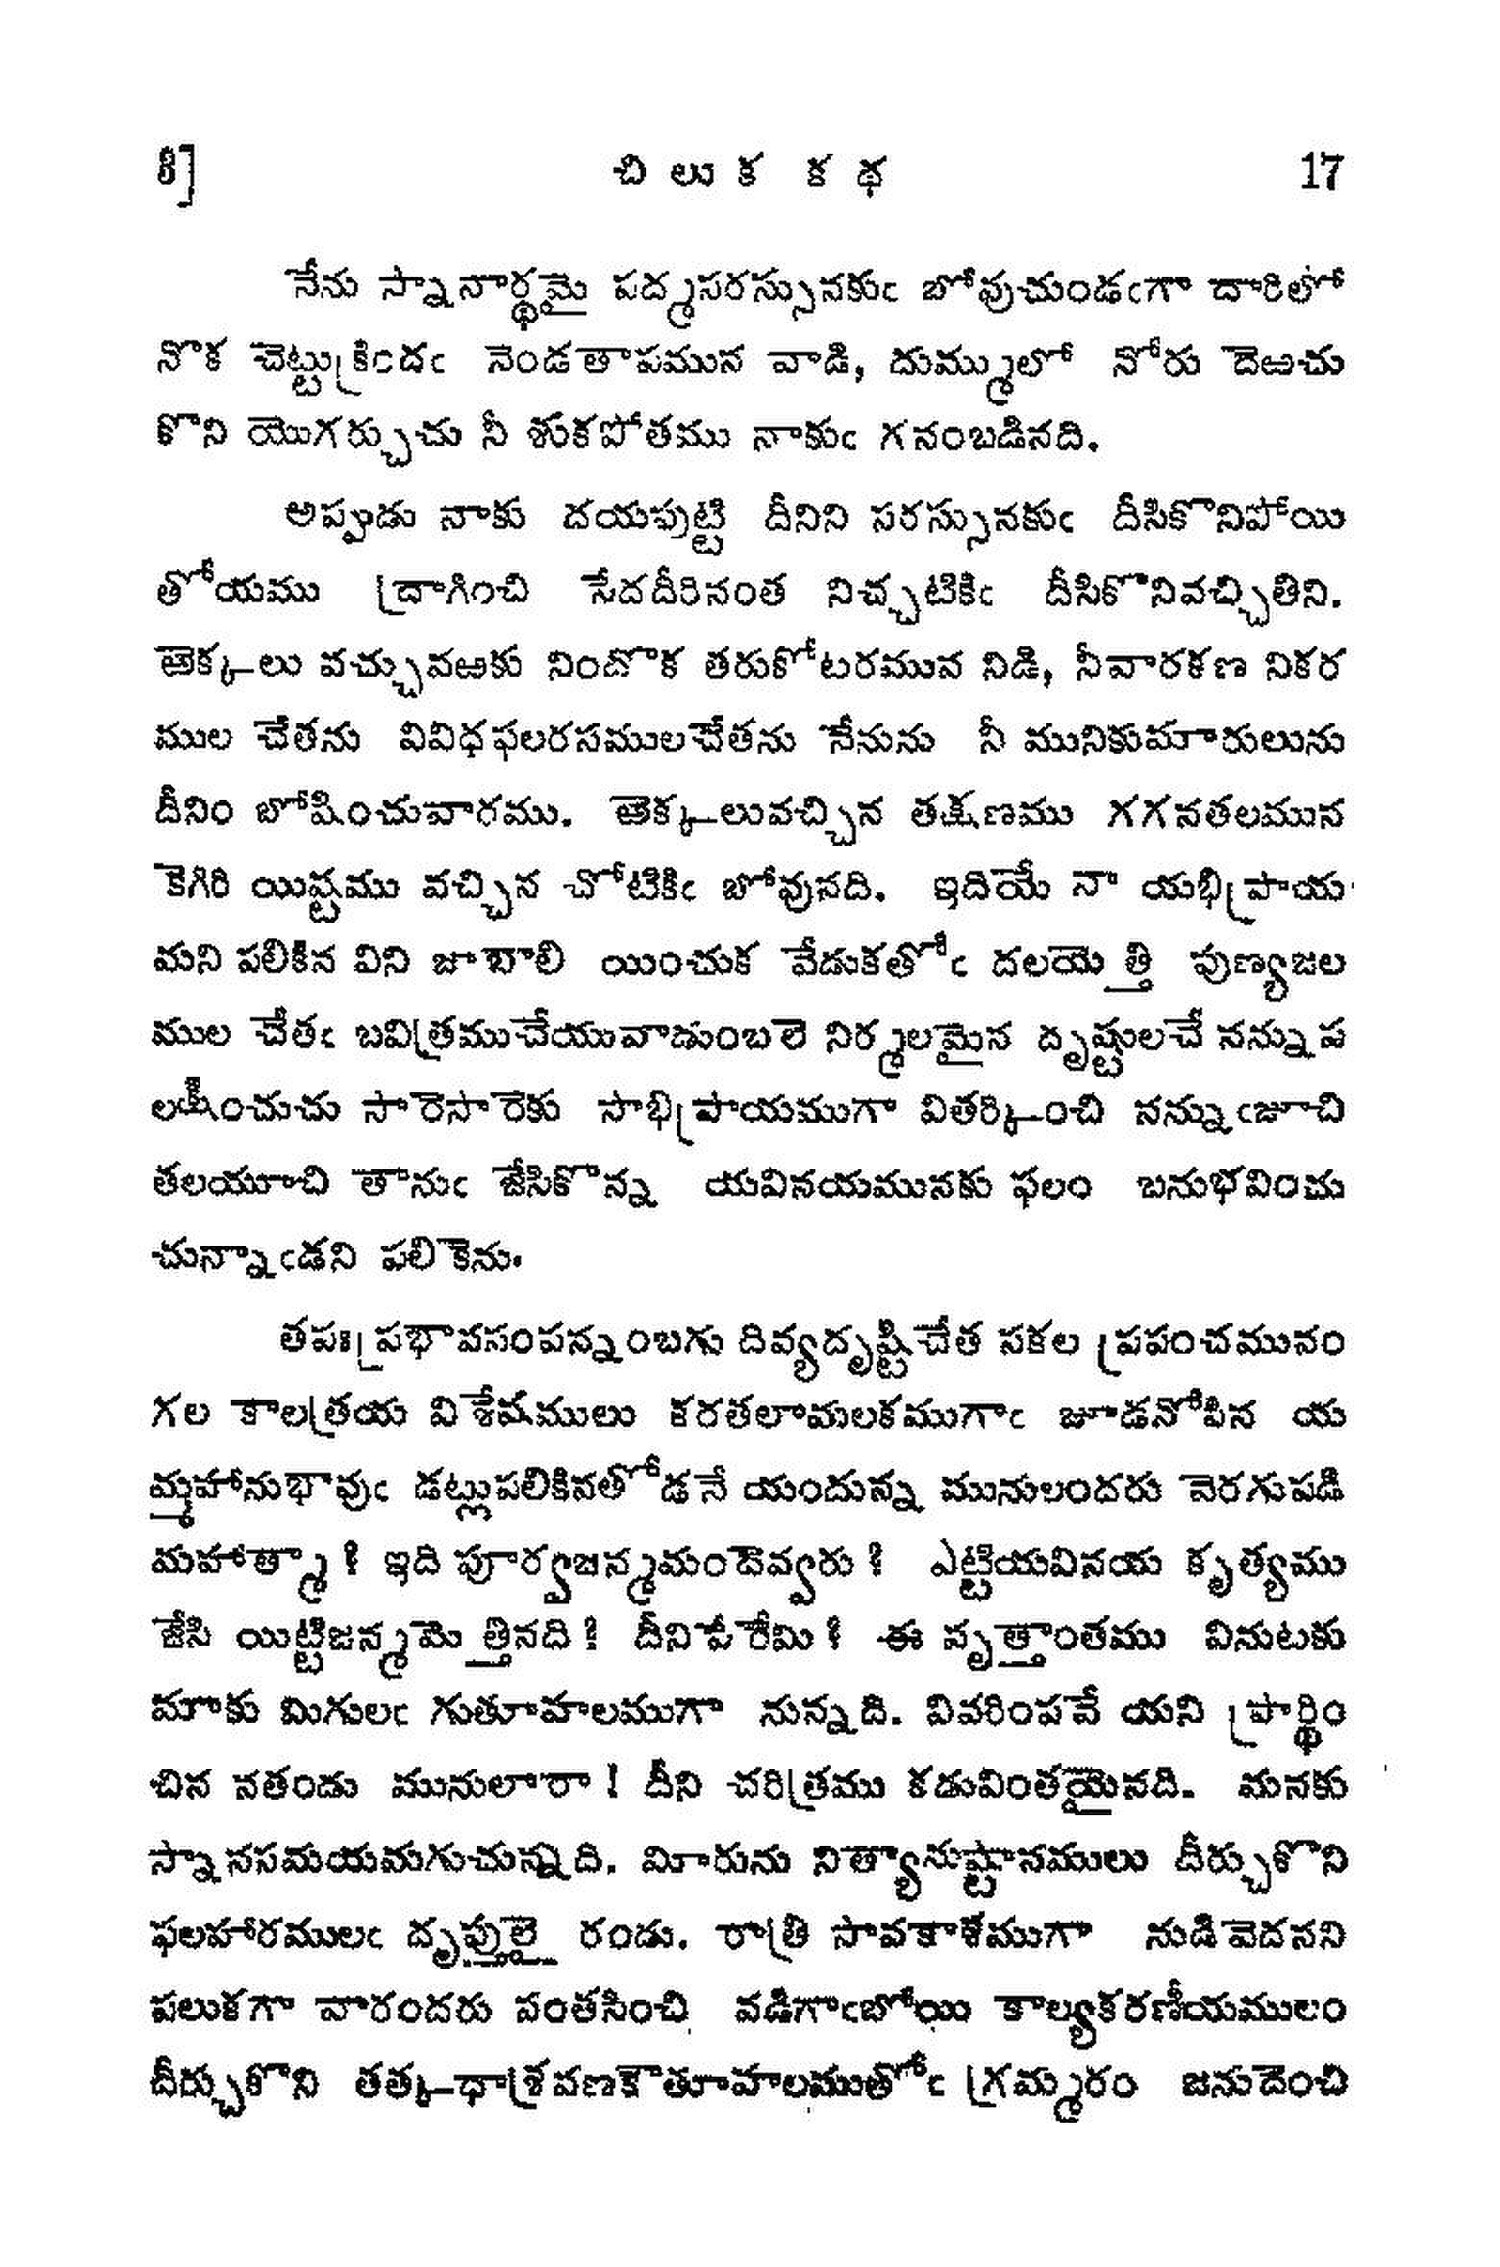నేను స్నానార్థమై పద్మసరస్సునకు బోవుచుండఁగా దారిలో నొక చెట్టుక్రిందఁ నెండతాపమున వాడి, దుమ్ములో నోరు దెఱచుకొని యొగర్చుచు నీ శుకపోతము నాకుఁ గనంబడినది.

అప్పుడు నాకు దయపుట్టి దీనిని సరస్సునకుఁ దీసికొనిపోయి తోయము ద్రాగించి సేదదీరినంత నిచ్చటికిఁ దీసికొనివచ్చితిని. ఱెక్కలు వచ్చువఱకు నిందొక తరుకోటరమున నిడి, నీవారకణ నికరముల చేతను వివిధఫలరసములచేతను నేనును నీ మునికుమారులును దీనిం బోషించువారము. ఱెక్కలువచ్చిన తక్షణము గగనతలమున కెగిరి యిష్టము వచ్చిన చోటికిఁ బోవునది. ఇదియే నా యభిప్రాయమని పలికిన విని జాబాలి యించుక వేడుకతోఁ దలయెత్తి పుణ్యజలముల చేతఁ బవిత్రముచేయువాడుంబలె నిర్మలమైన దృష్టులచే నన్నుపలక్షించుచు సారెసారెకు సాభిప్రాయముగా వితర్కించి నన్నుఁజూచి తలయూచి తానుఁ జేసికొన్న యవినయమునకు ఫలం బనుభవించు చున్నాఁడని పలికెను.

తపఃప్రభావసంపన్నంబగు దివ్యదృష్టిచేత సకల ప్రపంచమునంగల కాలత్రయ విశేషములు కరతలామలకముగాఁ జూడనోపిన యమ్మహానుభావుఁ డట్లుపలికినతోడనే యందున్న మునులందరు వెరగుపడి మహాత్మా? ఇది పూర్వజన్మమందెవ్వరు? ఎట్టియవినయ కృత్యము జేసి యిట్టిజన్మమెత్తినది? దీని పే రేమి? ఈ వృత్తాంతము వినుటకు మాకు మిగులఁ గుతూహలముగా నున్నది. వివరింపవే యని ప్రార్థించిన నతండు మునులారా! దీని చరిత్రము కడువింతయైనది. మనకు స్నానసమయమగుచున్నది. మీరును నిత్యానుష్టానములు దీర్చుకొని ఫలహారములఁ దృప్తులై రండు. రాత్రి సావకాశముగా నుడివెదనని పలుకగా వారందరు సంతసించి వడిగాఁబోయి కాల్యకరణీయములం దీర్చుకొని తత్కధాశ్రవణకౌతూహలముతోఁ గ్రమ్మరం జనుదెంచి